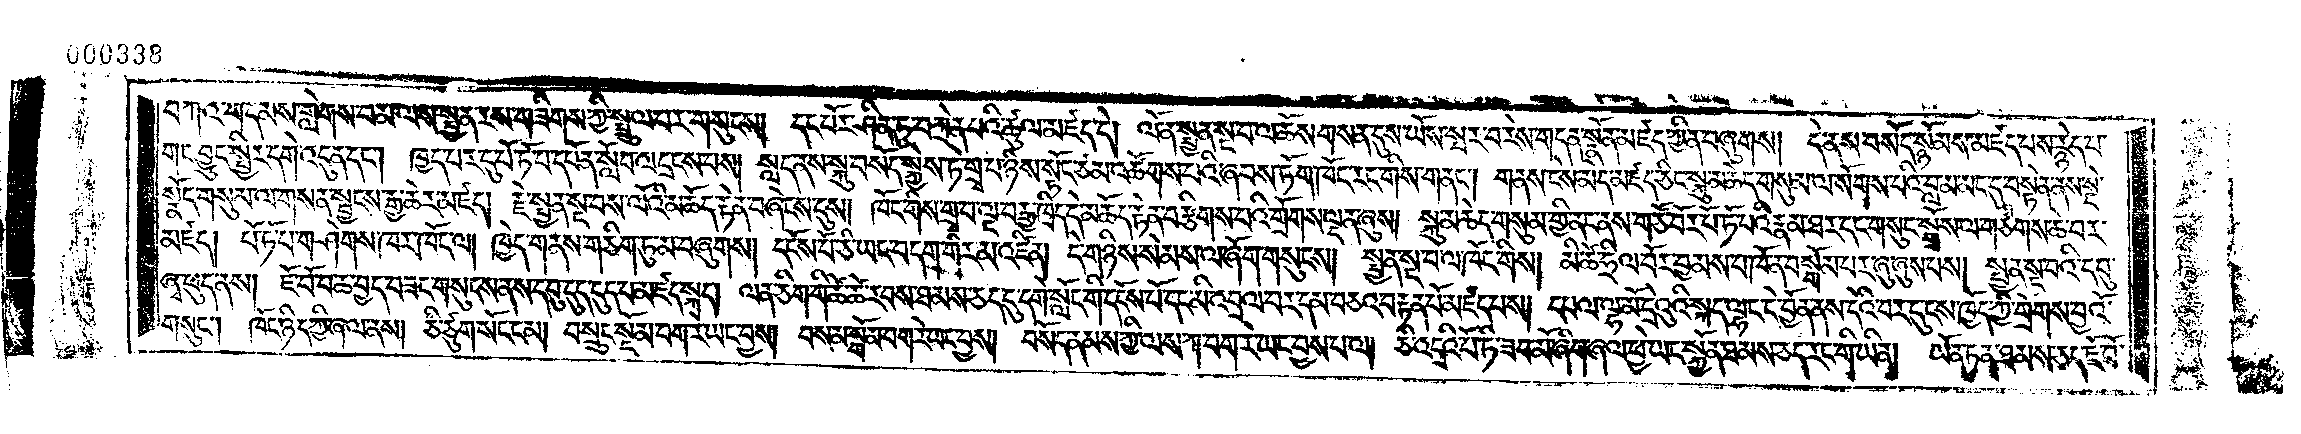བཀའ་གདམས་གླེགས་བམ་ལས་སྤྱན་རས་གཟིགས་ཀྱི་སྤྲུལ་པར་གསུངས། དང་པོར་ཤིན་ཏུ་བཀྲེན་པའི་ཚུལ་མཛད་དེ། ལོ་ན་སྤྱན་སྔ་བ་ལ་ཆོས་གསན་དུས་ཡོས་སྤར་བ་རེས་གདན་སྣོན་མཛད་ཀྱིན་བཞུགས། དེ་ནས་བསོད་སྙོམས་མཛད་པས་རྙེད་པ་
གང་བྱུང་སྤྱིར་དགེ་འདུན་དང་། ཁྱད་པར་དུ་པོ་ཏོ་པ་དཔོན་སློབ་ལ་དྲངས་པས། སླད་ནས་སྐུ་བསོད་སྐྱེས་ཏེ་གྲྭ་པ་ཉིས་སྟོང་ཙམ་འཚོགས་པའི་ཞབས་ཏོག་ཁོང་རང་གིས་གནང་། གནས་ངེས་མེད་མཛད་ཅིང་སྐུ་མཆེད་གསུམ་ལ་སོགས་པའི་བླ་མ་མང་དུ་བསྟེན་ནས་སྡེ་
སྣོད་གསུམ་ལ་གསན་སྦྱངས་རྒྱ་ཆེར་མཛད། རྗེ་སྤྱན་སྔ་བས་ལོའི་མཆོད་རྟེན་བཞེངས་དུས། ཁོང་གིས་གྲྭ་བ་ལྔ་བརྒྱ་ཁྲིད་དེ་མཆོད་རྟེན་བརྩིགས་པའི་གྲོགས་ལྡན་ཞུས། སྐུ་མཆེད་གསུམ་གྱི་ནང་ནས་གཙོ་བོར་པོ་ཏོ་པའི་རྣམ་ཐར་དང་གསུང་སྒྲོས་ལ་གཙིགས་ཆེ་བར་
མཛད། པོ་ཏོ་པ་གཤེགས་ཁར་ཁོང་ལ། ཁྱེད་གནས་གཅིག་ཏུ་མ་བཞུགས། དངོས་པོ་ཅི་ཡང་བདག་གིར་མ་འཛིན། དེ་གཉིས་སེམས་ལ་ཞོག་གསུངས། སྤྱན་སྔ་བ་ལ་ཁོང་གིས། མི་ཚེ་ཧྲིལ་བོར་བྱམས་བ་ཁོ་ན་བསྒོམ་པར་ཞུ་ཞུས་པས། སྤྱན་སྔ་པའི་དབུ་
ཞྭ་ཕུད་ནས། ཇོ་བོ་བ་ཆ་བྱད་བཟང་གསུངས་ནས་དབུ་དུད་དུད་པ་མཛད་སྐྲད། ལན་ཅིག་གི་ཚེ་ཚེ་རབས་ཐམས་ཅད་དུ་དགེ་སློང་གི་དངོས་པོ་དང་མི་འབྲལ་བར་དམ་བཅའ་བརྟན་པོ་མཛད་པས། དཔལ་ལྷ་མོ་དྲེའུའི་སྐད་ལྷང་དེ་བྱོན་ནས་དེའི་བར་དུ་ངས་ཁྱོད་ཀྱི་གྲོགས་བྱའོ་
གསུང་། ཁོང་ཉིད་ཀྱི་ཞལ་ནས། ཅི་ཙུག་སོང་ངམ། བསྲུང་སྔོམ་བག་རེ་ཡང་བྱས། བསམ་སྒོམ་བག་རེ་ཡང་བྱས། བསོད་ནམས་ཀྱི་ལས་ཀ་བག་རེ་ཡང་བྱས་པ་ལ། ཅི་འདྲའི་པོ་ཏི་ཟབ་མོ་ཞིག་ཞལ་ཕྱེ་ཡང་སྐྱོན་ཐམས་ཅད་རང་གི་ཡིན། ཡོན་ཏན་ཐམས་ཅད་ཇོ་བོ་